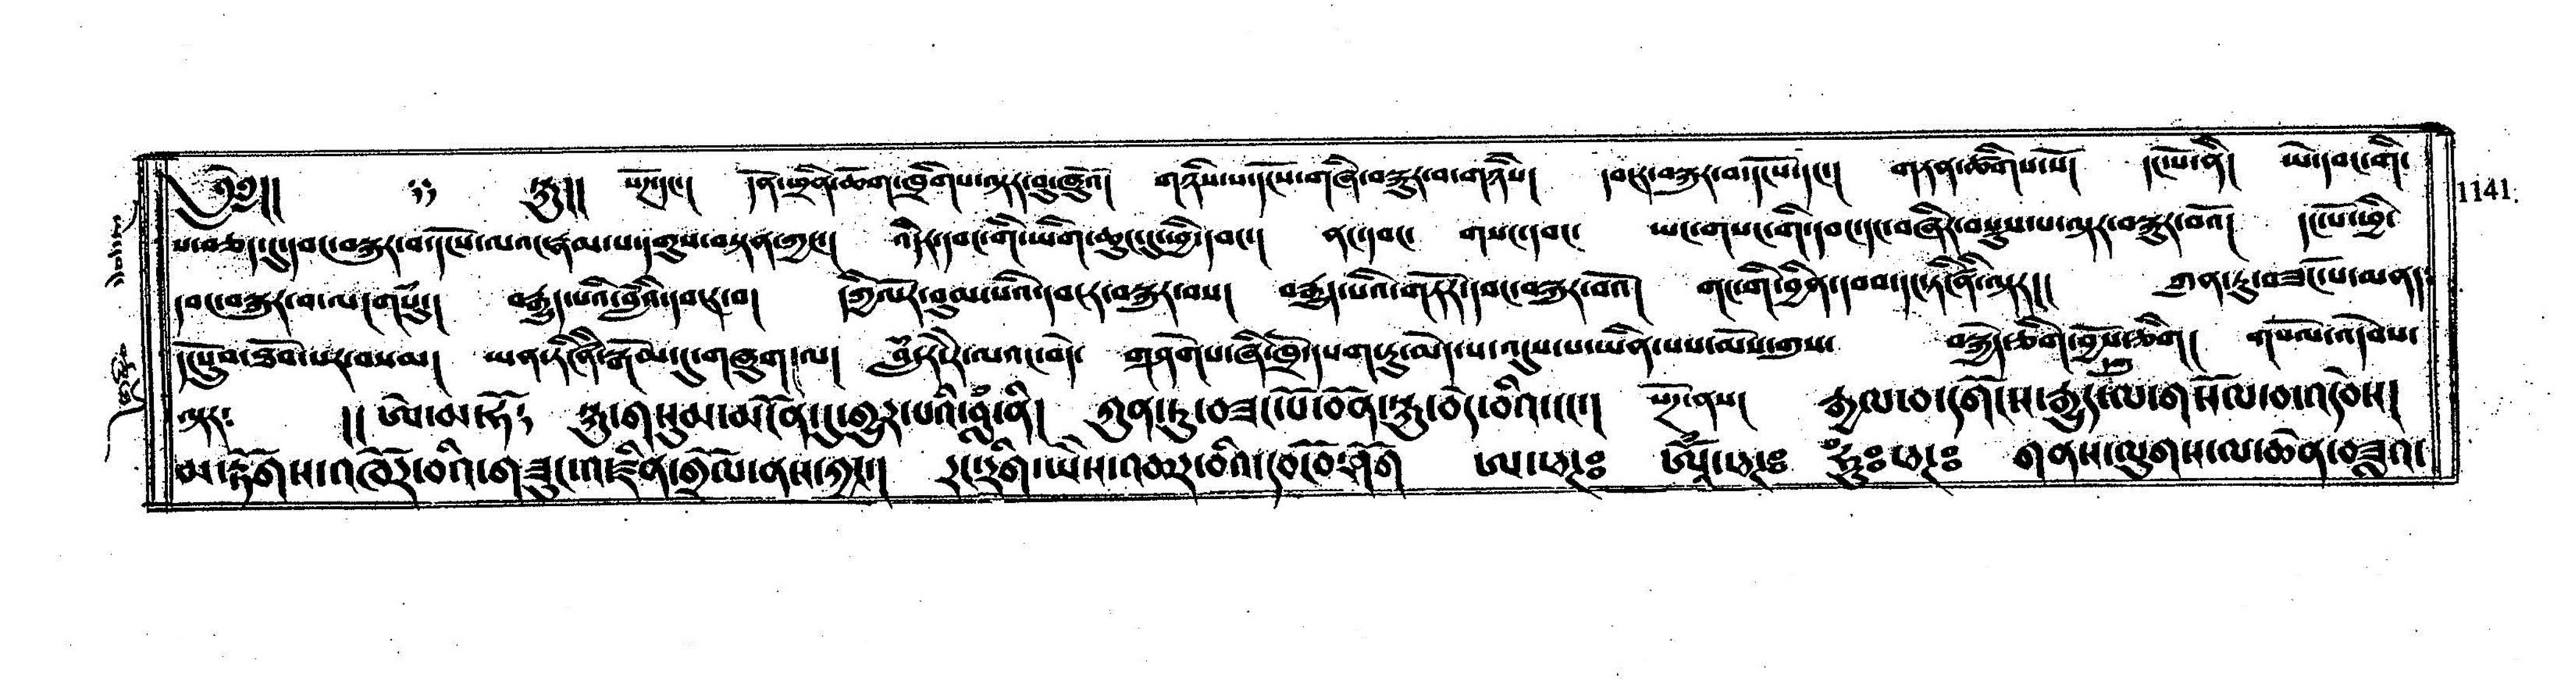སྐུ།། སོགས་དང་། དོན་ཕྲིན་ཆོག་ཁྲིགས་ལྟར་བུ་ཞུའོ། གཉིས་པ་དངོས་གཞི་བསྐུར་བ་གཉིས། དབང་བསྐུར་བ་དངོས་དང་། གཏན་ཚིགས་སོ། དང་པོ་ནི། ཡེ་དབང་གི་
ས་བཅད་དུ་དབང་བསྐུར་བ་དངོས་ལའང་རྣམ་པ་དགུས་བསྟན་ཀྱང་། འདིར་དབང་གི་ཡིག་ཆུང་དུ་ཕྱི་དབང་། ནང་དབང་གསང་དབང་ཡང་གསང་གི་དབང་དང་བཞིར་བསྡུས་པ་ལྟར་བསྐུར་བའོ། དང་པོ་ཕྱི་
དབང་བསྐུར་བ་ལ་གསུམ། བརྒྱུད་པའི་བློའི་དབང་བསྐུར་བ། དཀྱིལ་འཁོར་བུམ་པའི་དབང་བསྐུར་བས། བརྒྱུད་པའི་གཏོར་དབང་བསྐུར་བའོ། གང་གི་བྱིན་དབབ་དང་ཏིང་འཛིན་ལྟར།། ཀུན་ཏུ་བཟང་པོ་མན་ཆད་
དངོས་གྲུབ་ཐོབ་པར་བསམ། ཡན་ཏིང་འཛིན་སྒོམ་དུ་གཞུག་ལ། བླ་མ་རེ་རེ་ལའང་བདེ་གཤེགས་ཞི་ཁྲོ་དཔག་ཏུ་མེད་པ་འདུས་པ་ཡིན་པས་མོས་གུས་བསྐྱེད་ཅིག་བྱོས་གུ་ཅིག གསོལ་འདེབས་
ལྟར། །།ཨེ་མ་ཧོ སྐུ་གསུམ་མངོན་དུ་གྱུར་པའི་བླ་མ་ནི། ཀུན་ཏུ་བཟང་པོ་བོན་སྐུ་བདེ་བའི་ངང་། སོགས་ནས། རྒྱལ་བ་དགོངས་རྒྱུད་ལ་གསོལ་བ་འདེབས། 
མ་རྟོགས་འཁོར་བའི་གཟུང་འཛིན་གྲོལ་ནས་ཀྱང་། རང་རིག་ཡེ་ཤེས་འཆར་བའི་དབང་ཐོབ་ཤོག ཨ་ཕཊཿ ཨཱོཾ་ཕཊཿ ཧཱུྃ་ཕཊཿ གནས་ལུགས་ལ་ཆེན་བཟླའ་